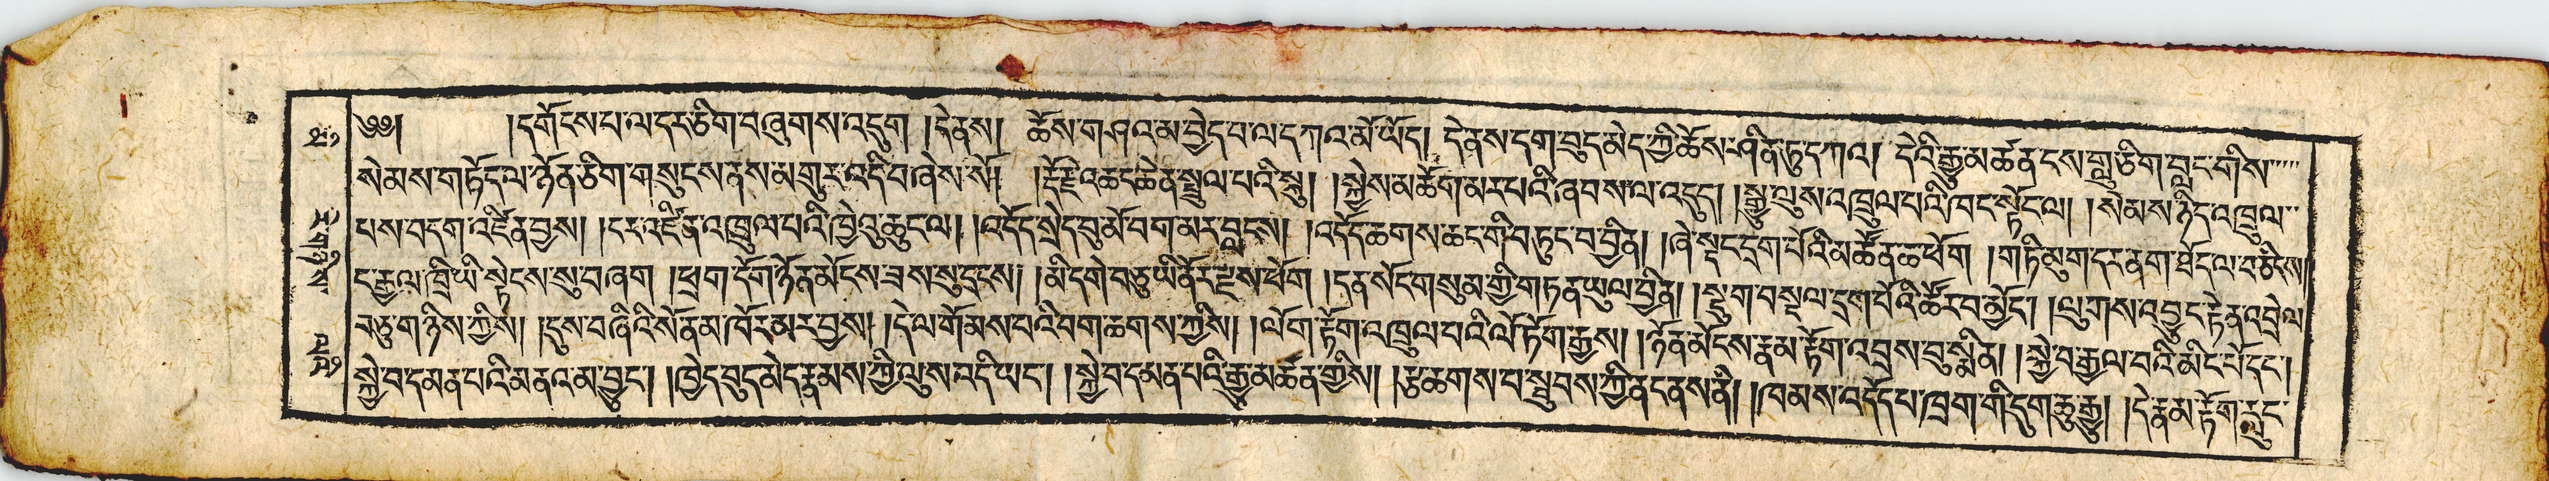དགོངས་པ་ལ་དར་ཅིག་བཞུགས་འདུག །དེ་ནས། ཆོས་གཤའ་མ་བྱེད་པ་ལ་དཀའ་མོ་ཡོད། དེ་ནས་དག་བུད་མེད་ཀྱི་ཆོས་ཤིན་ཏུ་དཀའ། དེའི་རྒྱུ་མཚན་ངས་གླུ་ཅིག་བྱུང་གིས་
སེམས་གཏོད་ལ་ཉོན་ཅིག་གསུངས་ནས་མགུར་འདི་བཞེས་སོ། །རྡོ་རྗེ་འཆང་ཆེན་སྤྲུལ་པའི་སྐུ། །སྐྱེས་མཆོག་མར་པའི་ཞབས་ལ་འདུད། །སྒྱུ་ལུས་འཁྲུལ་པའི་ཁང་སྟོང་ལ། །སེམས་ཉིད་འཁྲུལ་
པས་བདག་འཛིན་བྱས། །དར་འཛིན་འཁྲུལ་པའི་ཁྱེའུ་ཆུང་ལ། །འདོད་སྲེད་བུ་མོ་བག་མར་བླངས། །འདོད་ཆགས་ཆང་གི་བཏུང་བ་བྱིན། །ཞེ་སྡང་དྲག་པོའི་མཚོན་ཆ་ཕོག །གཏི་མུག་དར་ནག་ཐོད་ལ་བཅིངས། །
ང་རྒྱལ་ཁྲི་ཡི་སྟེངས་སུ་བཞག །ཕྲག་དོག་ཉོན་མོངས་ཟས་སུ་དྲངས། །མི་དགེ་བཅུ་ཡི་ནོར་རྫས་ཕོག །ངན་སོང་གསུམ་གྱི་གཏན་ཡུལ་བྱིན། །སྡུག་བསྔལ་དྲག་པོའི་ཚོར་བ་མྱོང་། །ལུགས་འབྱུང་རྟེན་འབྲེལ་
བཅུ་གཉིས་ཀྱིས། །དུས་བཞིའི་སོ་ནམ་ཁོར་མར་བྱས། །དེ་ལ་གོམས་པའི་བག་ཆགས་ཀྱིས། །ལོག་རྟོག་འཁྲུལ་པའི་ལོ་ཏོག་རྒྱས། །ཉོན་མོངས་རྣམ་རྟོག་འབྲས་བུ་སྨིན། །སྐྱེ་བ་རྒྱལ་བའི་མིང་པོ་དང་། །
སྐྱེ་བ་དམན་པའི་མནའ་མ་བྱུང་། །ཁྱེད་བུད་མེད་རྣམས་ཀྱི་ལུས་འདི་ཡང་། །སྐྱེ་བ་དམན་པའི་རྒྱུ་མཚན་གྱིས། །རྩ་ཆགས་པ་སྦུབས་ཀྱི་ནང་ནས་ནི། །ཁམས་འདོད་པ་ཁྲག་གི་དུག་ཆུ་རྒྱུ། །དེ་རྣམ་རྟོག་རླུང་